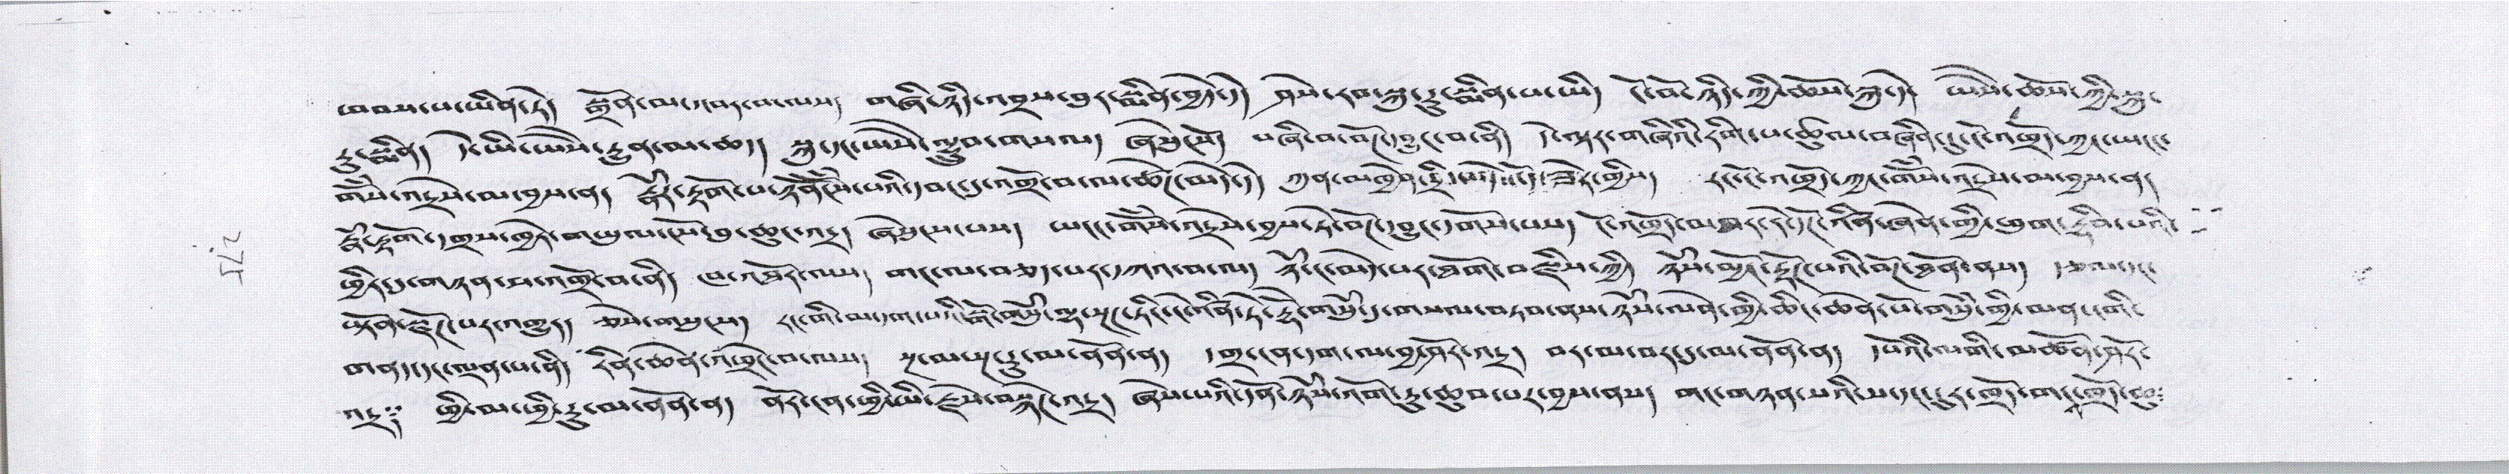ཕབས་པ་ཡིན་ཏེ། སྒྲོན་མ་འབར་བ་ལས། གཞི་ཉིད་འབྲས་བུར་སྨིན་བྱེད་དེ། ཤེས་རབ་སྐུ་རུ་སྨིན་པ་ཡི། ངོ་བོ་ཉིད་ཀྱི་ཆོས་སྐུ་དེ། ཡེ་ཤེས་ཆོས་ཀྱི་སྐུ་
རུ་སྨིན། དེ་ཡི་ཡེ་ཤེས་རྒྱུན་མ་ཆད། སྐུ་དང་ཡེ་ཤེས་ལྷུན་གྲུབ་གསལ། ཞེས་གསུངས་སོ། བཞིི་པ་བོགས་དབྱུང་བ་ནི། དེ་ལྟར་གཞིའི་རིག་པ་ཚུལ་བཞིན་དུ་ངོ་འཕྲོད་ཀྱང་ཡང་ཡང་
གོམས་འདྲིས་མ་བྱས་ན། རྣམ་པར་རྟོག་པ་ཉོན་མོངས་པའི་དབང་དུ་འགྲོ་བ་ལ་ཚེགས་མེད་དེ། ཀུན་མཁྱེན་དྲི་མེད་འོད་ཟེར་གྱིས། རང་ངོ་འཕྲོད་ཀྱང་གོམས་འདྲིས་མ་བྱས་ན། 
རྣམ་རྟོག་དགྲས་ཁྱེར་གཡུལ་ངོས་བུ་ཆུང་འདྲ། ཞེས་གསུངས་པས། ཡང་ཡང་གོམས་འདྲིས་བྱས་ཏེ་བོགས་དབྱུང་དགོས་པས། ངོ་འཕྲོད་མཐར་རེ་དོགས་འཛིན་ཞེན་གྱི་ཕུག་རྡིབ་པའི་
ཕྱིར་དུ་གཉན་ས་འགྲོ་བ་ནི། ཁ་འཐོར་ལས། གང་ལ་བཅད་པར་དཀའ་བ་ལ། ཉམ་ང་མེད་པར་ཐོག་བརྫིས་ཀྱི། ཉམས་མྱོང་རྟོགས་པའི་བོགས་ཐོན་ནས། རྩལ་དང་
ཡོན་ཏན་རྫོགས་པར་འགྱུར། ཅེས་གསུངས། རང་གི་མ་དག་པའི་སྒོ་གསུམ་ལྷ་སྔགས་ཏིང་ངེ་འཛིན་ཏེ་རྡོ་རྗེ་གསུམ་དུ་གསལ་བཏབ་ནས་ཉམས་ལེན་གྱི་ཆིང་ཆེན་པོ་གསུམ་གྱི་མན་ངག་གི་
གནད་དང་ལྡན་པ་ནི། རིན་ཆེན་འཕྲེང་བ་ལས། སྔ་མ་སྔ་རུ་མ་ནོན་ན། དགྲ་ངན་དག་ལ་བྱ་ཤོར་འདྲ། བར་མ་བར་དུ་མ་ནོན་ན། དཔོའི་ལག་གི་མཚོན་ཤོར་
འདྲ། ཕྱི་མ་ཕྱི་རུ་མ་ནོན་ན། ནོར་ངན་ཕྱི་ཡི་རྗེས་བསྙེགས་འདྲ། ཞེས་པའི་དོན་ཉམས་འོག་ཏུ་ཆུབ་པར་བྱས་ནས། གང་གཉན་སའི་ས་དང་དུར་ཁྲོད་གངས་ཁྲོད་ཆུ་